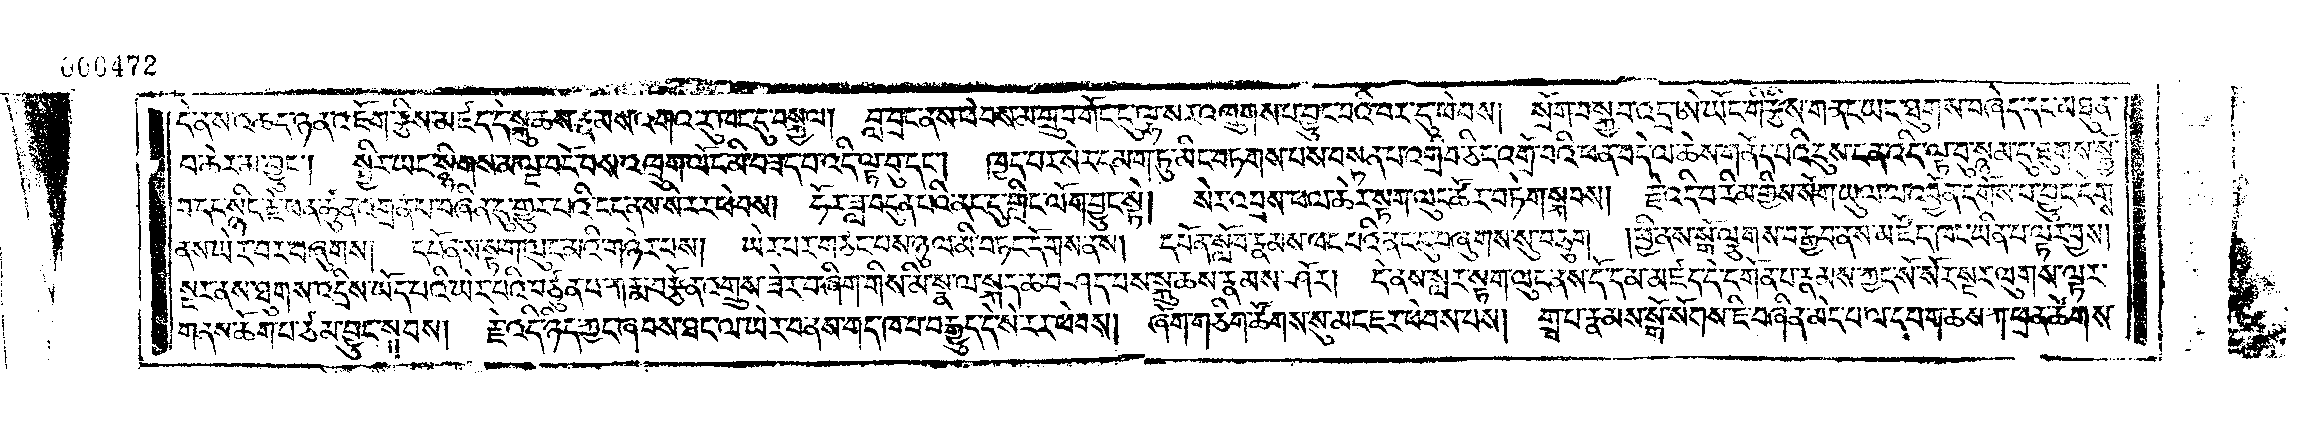དེ་ནས་འཆད་ཉན་འཇོག་རྩིས་མཛད་དེ་སྐུ་ཆས་རྣམས་འགའ་རུ་ཁང་དུ་བསྐྱལ། བླ་བྲང་ནས་ཕེབས་མ་གྲུབ་གོང་དུ་ལྷ་སར་འཁྲུགས་པ་བྱུང་བའི་བར་དུ་ཕེབས། སྲོག་བསྐྱབ་འདྲ་ཨེ་ཡོང་གི་རྩིས་གནང་ཡང་ཐུགས་བཞེད་དང་མཐུན་
པ་ཆེར་མ་བྱུང་། སྤྱིར་ཡང་སྙིགས་མ་ལྔ་བདོ་བས་འཁྲུག་ལོང་མི་བཟད་བ་འདི་ལྟ་བུ་དང་། ཁྱད་པར་སེར་དམག་ཏུ་མིང་བཏགས་པས་བསྟན་པ་འགྲིབ་ཅིང་འགྲོ་བའི་ཕན་བདེ་ལ་ཆེས་གནོད་པའི་དུས་ངན་འདི་ལྟ་བུ་སྙམ་དུ་ཐུགས་སྐྱོ་
བ་དང་སྙིང་རྗེ་ཕན་ཚུན་འགྲན་པ་བཞིན་དུ་གྱུར་པའི་ངང་ནས་སེ་རར་ཕེབས། ཧོར་ཟླ་བདུན་པའི་ནང་དུ་གླིང་ལོག་བྱུང་སྟེ། སེར་འབྲས་ཕལ་ཆེར་སྟག་ལུང་ཚོར་བཏེག་སྐབས། རྗེ་འདི་བ་རིམ་གྱིས་སོག་ཡུལ་ལ་འབྱོན་དགོས་པ་བྱུང་ངོགས་
ནས་ཡེར་བར་བཞུགས། དཔོན་ས་སྟག་ལུང་མའི་གཉེར་པས། ཡེར་པར་གཙང་བས་ཉུལ་མི་བཏང་དོགས་ནས། དཔོན་སློབ་རྣམས་ཁང་པའི་ནང་དུ་བཞུགས་སུ་བཅུག །ཕྱི་ནས་སྒོ་ལྕགས་བརྒྱབ་ནས་མཛོད་ཁང་ཡིན་པ་ལྟར་བྱས།
སྔར་ནས་ཐུགས་འདྲིས་ཡོད་པའི་ཡེར་བའི་བཙུན་པ་ཀརྨ་བརྩོན་འགྲུས་ཟེར་བ་ཞིག་གིས་མི་སྣ་ལ་སྐད་ཆ་བཤད་པས་སྐུ་ཆས་རྣམས་ཤོར། དེ་ནས་སླར་སྟག་ལུང་ནས་དོ་དམ་མཛད་དེ་དགོན་པ་རྣམས་ཀྱང་སོ་སོར་སྔར་ལུགས་ལྟར་
གནས་ཆོག་པ་ཙམ་བྱུང་སྐབས། རྗེ་འདི་ཉིད་ཀྱང་ཞབས་ཐང་ལ་ཡེར་བ་ནས་གད་ཁ་པ་བརྒྱུད་དེ་སེ་རར་ཕེབས། ཞོག་གཅིག་ཚོགས་སུ་མང་ཇར་ཕེབས་བས། གྲྭ་པ་རྣམས་སྒོ་སོགས་ཇི་བཞིན་མེད་པ་ལ་དཔག་ཆས་ཀ་ཕྲན་ཚེགས་